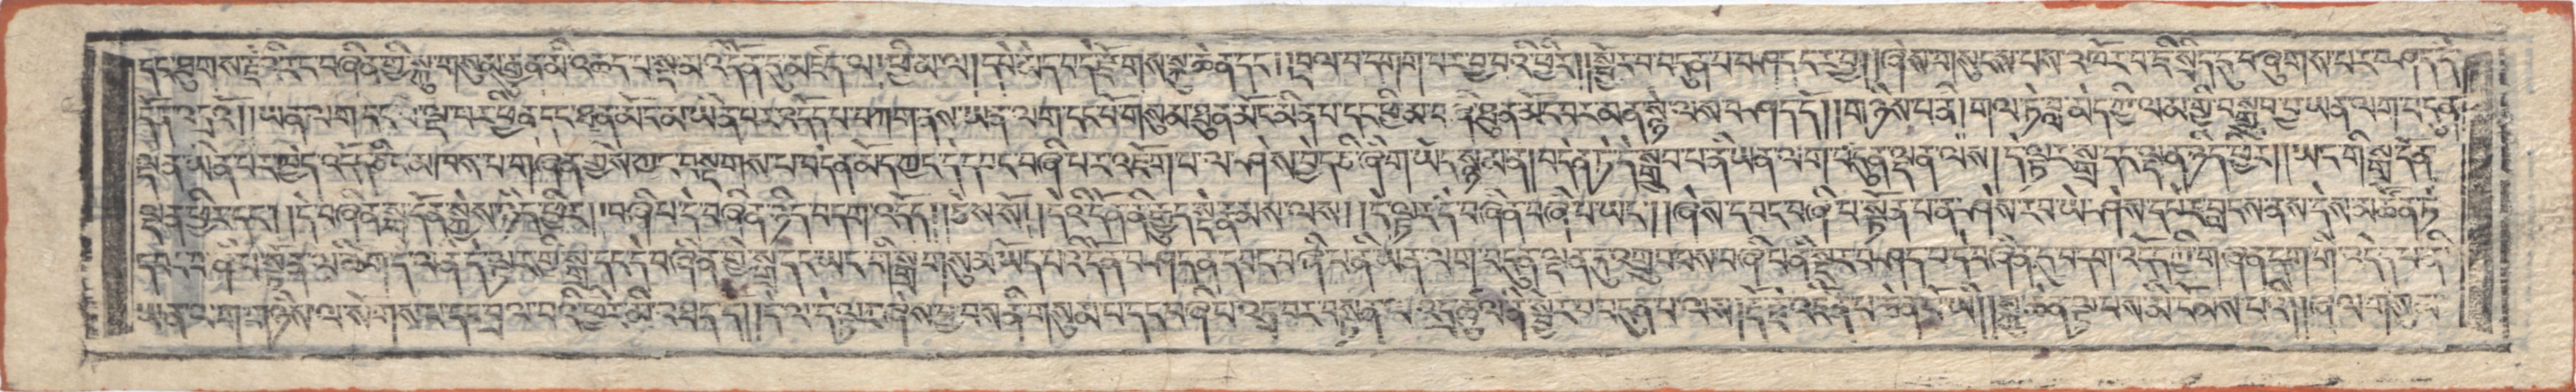དང་ཐུགས་རྗེའི་རང་བཞིན་གྱི་སྐུ་གསུམ་རྒྱུན་མི་འཆད་པ་སྔ་མའི་དོན་དུ་མཛད་ལ། ཕྱི་མ་ལ། དཔེ་མེད་པ་དེ་རྫོགས་སྐུ་ཆེན་དང་། །བྲལ་བ་དགག་པར་བྱ་བའི་ཕྱིར། །སྦྱོར་བ་བདུན་པ་བཤད་པར་བྱ། །ཞེས་གསུངས་པས་འཁོར་བ་ཇི་སྲིད་དུ་བཞུགས་པར་བཤད་དེ་
དོན་འདྲའོ། །ཡན་ལག་དང་པོ་ལྔ་ཕར་ཕྱིན་དང་ཐུན་མོང་མ་ཡིན་པར་འདོད་པ་བཀག་ནས་ཡན་ལག་དང་པོ་གསུམ་ཐུན་མོང་མིན་པ་དང་ཕྱི་མ་བཞི་ཐུན་མོང་བར་མན་སྙེ་ལས་བཤད་དོ། །གཉིས་པ་ནི། གལ་ཏེ་བླ་མེད་ཀྱི་ལམ་གྱི་བསྒྲུབ་བྱ་ཡན་ལག་བདུན་
ལྡན་ཡིན་པར་ཁྱེད་འདོད་ཅིང་མཁས་པ་གཞན་གྱིས་ཀྱང་བསྔགས་པ་བདེན་མོད་ཀྱང་དེ་དབང་བཞི་པར་འཇོག་པ་ལ་ཤེས་བྱེད་ཅི་ཞིག་ཡོད་སྙམ་ན། བདེན་ཏེ་དེ་སྒྲུབ་པ་ནི་ཡན་ལག་བདུན་ལྡན་ལས། དེ་ལྟར་སྒྲ་དང་ལྡན་ཉིད་ཕྱིར། །ཡང་གི་སྒྲ་དོན་
ལྡན་ཕྱིར་དང་། །དེ་བཞིན་སྒྲ་དོན་སྐྱེས་ཉིད་ཕྱིར། །བཞི་པ་དེ་བཞིན་ཉིད་བདག་འདོད། །ཅེས་སོ། །དེའི་དོན་ནི་རྒྱུད་སྡེ་རྣམས་ལས། །དེ་ལྟར་དེ་བཞིན་བཞི་པ་ཡང་། །ཞེས་དབང་བཞི་པ་སྟོན་པ་ན་ཤེས་རབ་ཡེ་ཤེས་དཔེར་བླངས་ནས་དེས་མཚོན་ཏེ་
དབང་བཞི་པ་སྟོན་ལ་ཚིག་དེ་ལ་ནི་དེ་ལྟར་གྱི་སྒྲ་དང་དེ་བཞིན་གྱི་སྒྲ་དང་ཡང་གི་སྒྲ་གསུམ་ཡོད་པའི་དོན་བཤད་ན་དབང་བཞི་པ་ནི་ཡན་ལག་བདུན་ལྡན་དུ་འགྲུབ་པས་བཞི་པ་ནི་སྔར་བཤད་པ་དེ་བཞིན་དུ་བདག་འདོད་ཀྱི་གཞན་དག་གི་འདོད་པ་ནི་
ཡན་ལག་གཉིས་ལ་སོགས་པ་དང་བྲལ་བའི་ཕྱིར་མི་འཐད་དོ། །དེ་ལ་དེ་ལྟར་ཞེས་བྱ་བས་ནི་གསུམ་པ་དང་བཞི་པ་འདྲ་བར་བསྟན་ལ་འདྲ་ཚུལ་ནི་སྦྱོར་བ་བདུན་པ་ལས། རྡོ་རྗེ་འཛིན་པ་ཆེན་པོ་ཡི། །སྐུ་ཆེན་ལྟ་པས་མི་ངོམས་པའི། །ཞལ་གསུམ་